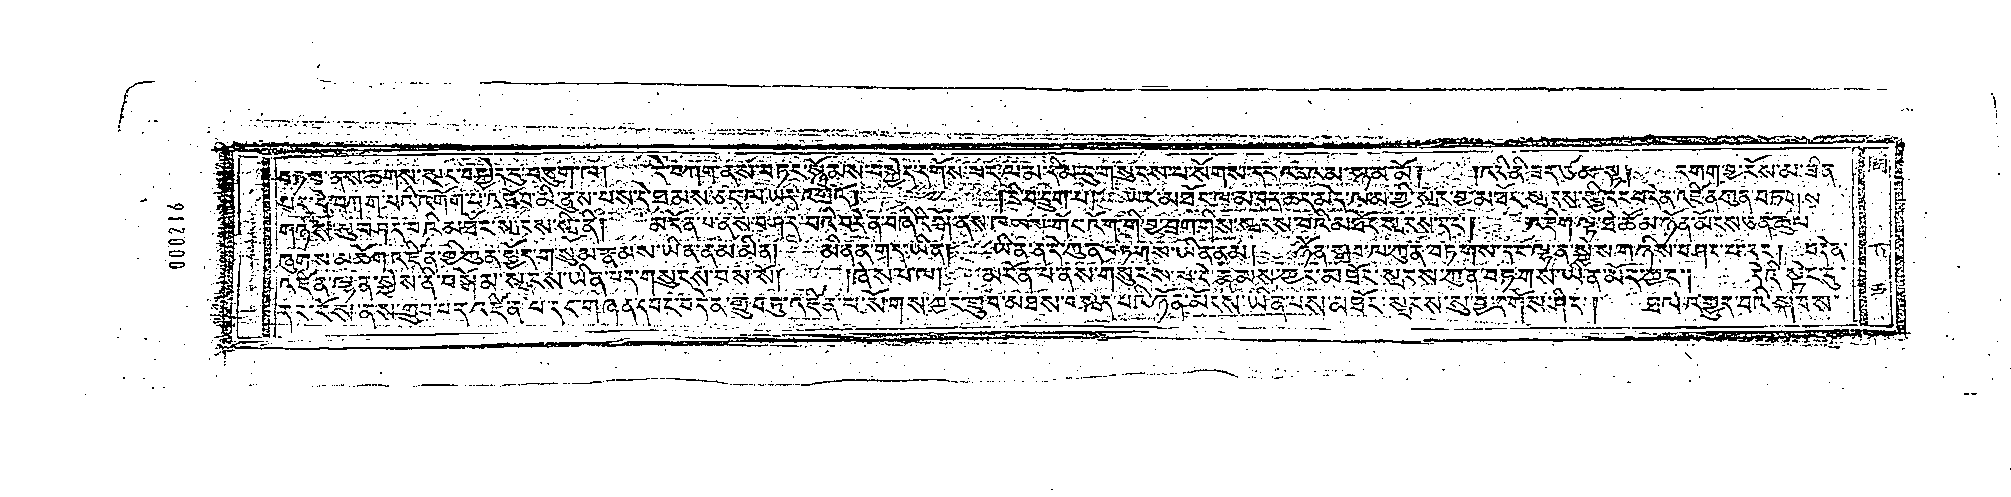བཏབ་ནས་ཆགས་སྔང་བསྐྱེད་དུ་བཅུག་ལ། དེ་བཀག་ནས་བཏང་སྙོམས་བསྐྱེད་དགོས་པ་ལམ་རིམ་དུ་གསུང་པ་སོགས་དང་འདྲའམ་སྙམ་མོ། །འདི་ནི་ཟད་ཙམ་སྟེ། དག་བྱ་ངོས་མ་ཟིན་
པར་དེ་བཀག་པའི་འགོག་པ་འཐོབ་མི་ནུས་པས་དེ་ཐམས་ཅད་ལ་ཡང་འགྲོའོ། ༧་།དྲི་བ་དྲུག་པ། ཡང་མཐོང་ལམ་བར་ཆད་མེད་ལམ་གྱི་སྤང་བྱ་མཐོང་སྤངས་སྤྱི་དང་བདེན་འཛིན་ཀུན་བཏགས་
གཉིས་སུ་བཤད་པའི་མཐོང་སྤངས་སྤྱི་ནི། མངོན་པ་ནས་བཤད་པའི་བདེན་བཞིའི་སྒོ་ནས་ཁམས་གོང་འོག་གི་བྱ་བྲག་གིས་སྤངས་བའི་མཐོད་སྤངས་དང་། འཇིག་ལྟ་ཐེ་ཚོམ་ཉོན་མོངས་ཅན་ཚུལ་
ཞུགས་མཆོག་འཛིན་གྱི་ཀུན་སྤྱོད་གསུམ་རྣམས་ཡིན་ནམ་མིན། མིན་ན་གང་ཡིན། ཡིན་ན་དེ་ཀུན་བཏགས་ཡིན་ནམ། ཉོན་སྒྲིབ་ལ་ཀུན་བཏགས་དང་ལྷན་སྐྱེས་གཉིས་བཤད་པ་དང་། བདེན་
འཛིན་ལྷན་སྐྱེས་ནི་བསྒོམ་སྤངས་ཡིན་པར་གསུངས་བས་སོ། །ཞེས་པ་ལ། མངོན་པ་ནས་གསུངས་པ་དེ་རྣམས་ཀྱང་མཐོང་སྤངས་ཀུན་བཏགས་ཡིན་མོད་ཀྱང་། དེའི་སྟེང་དུ་
རང་ངོས་ནས་གྲུབ་པར་འཛིན་པ་དང་གཞན་དབང་བདེན་གྲུབ་ཏུ་འཛིན་པ་སོགས་ཀྱང་གྲུབ་མཐས་བསླད་པའི་ཉོན་མོངས་ཡིན་པས་མཐོང་སྤངས་སུ་བྱ་དགོས་ཤིང་། ཐལ་འགྱུར་བའི་སྐབས་